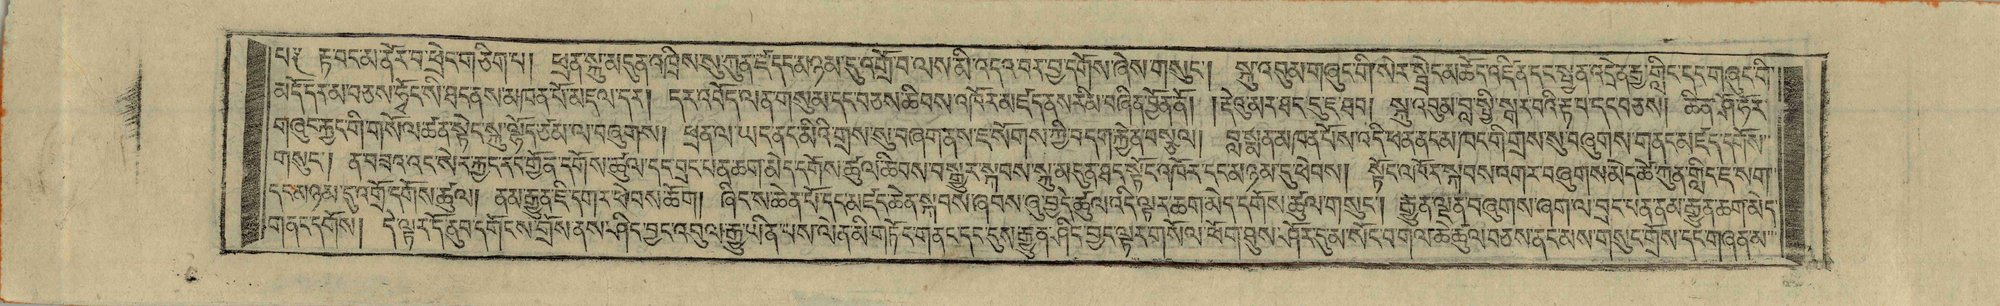པ། རྟ་བང་མ་ནོར་བ་ཕྲེང་གཅིག་པ། ཕྲན་སྐུ་མདུན་འཁྲིས་སུ་ཀུན་ཛ་དང་མཉམ་དུ་འགྲོ་བ་ལས་མི་འདའ་བར་བྱ་དགོས་ཞེས་གསུང་། སྐུ་འབུམ་གཞུང་གི་སེར་སྦྲེང་མཆོད་འཛིན་དང་སྤྱན་འདྲེན་རྒྱ་གླིང་དང་གཞུང་གི་
མདོ་དར་མ་བཅས་ཧྭོང་སི་ཐང་ནས་མཁན་པོ་མཇལ་དར། དར་འབོད་ལན་གསུམ་དང་བཅས་ཆིབས་འཁོར་མཛད་ནས་རིམ་བཞིན་བྱོན་ནོ། །རྡེའུ་མར་ཐང་དུ་ཇ་ཐབ། སྐུ་འབུམ་བླ་སྤྱི་སྒར་བའི་རྟ་བ་དང་བཅས། ཆིན་ཤོ་ཧོར་
གཞུང་རྐྱང་གི་གསོལ་ཚན་སྟེང་སྐུ་ལྷོད་ཙམ་ལ་བཞུགས། ཕྲན་ལ་ཡང་ནང་མིའི་གྲས་སུ་བཞག་ནས་ཇ་སོགས་ཀྱི་བདག་རྐྱེན་བསྩལ། བླ་སྨན་མཁན་པོས་འདི་ཕན་ནང་མ་ཁང་གི་གྲས་སུ་བཞུགས་གནང་མཛད་དགོས་
གསུང་། ན་བཟའ་འང་སེར་རྐྱ་ང་རང་གྱོན་དགོས་ཚུལ་དང་བྲང་པན་ཆག་མེད་དགོས་ཚུལ་ཆིབས་བསྒྱུར་སྐབས་སྐུ་མདུན་ཐང་སྟོང་འཁོར་དང་མཉམ་དུ་ཕེབས། སྟོང་འཁོར་སྐབས་འགར་བཞུགས་མེད་ཚེ་ཀུན་གླིང་ཇ་སག་
དང་མཉམ་དུ་འགྲོ་དགོས་ཚུལ། ནམ་རྒྱུན་ཇི་དགར་ཕེབས་ཆོག །ཞིང་ས་ཆེན་པོ་དང་མཛད་ཆེན་སྐབས་ཞབས་ཞུ་བྱེད་ཚུལ་འདི་ལྟར་ཆག་མེད་དགོས་ཚུལ་གསུང་། རྒྱུན་ལྡན་བཞུགས་ཞག་ལ་བྲང་པན་ནམ་རྒྱུན་ཆག་མེད་
གནང་དགོས། དེ་ལྟར་དོ་ནུབ་དགོངས་གྲོས་ནས་ཤིང་བྱང་འབུལ་རྒྱུ་ཡིན་པས་ལེན་མི་གཏོང་གནང་དང་དུས་རྒྱུན་ཤིང་བྱང་ལྟར་གསོལ་ཕོག་ཐུས་ཤོར་དུ་མ་སོང་བ་གལ་ཆེ་ཚུལ་བཅས་ནང་མས་གསུང་གྲོས་དང་གཞན་མ་